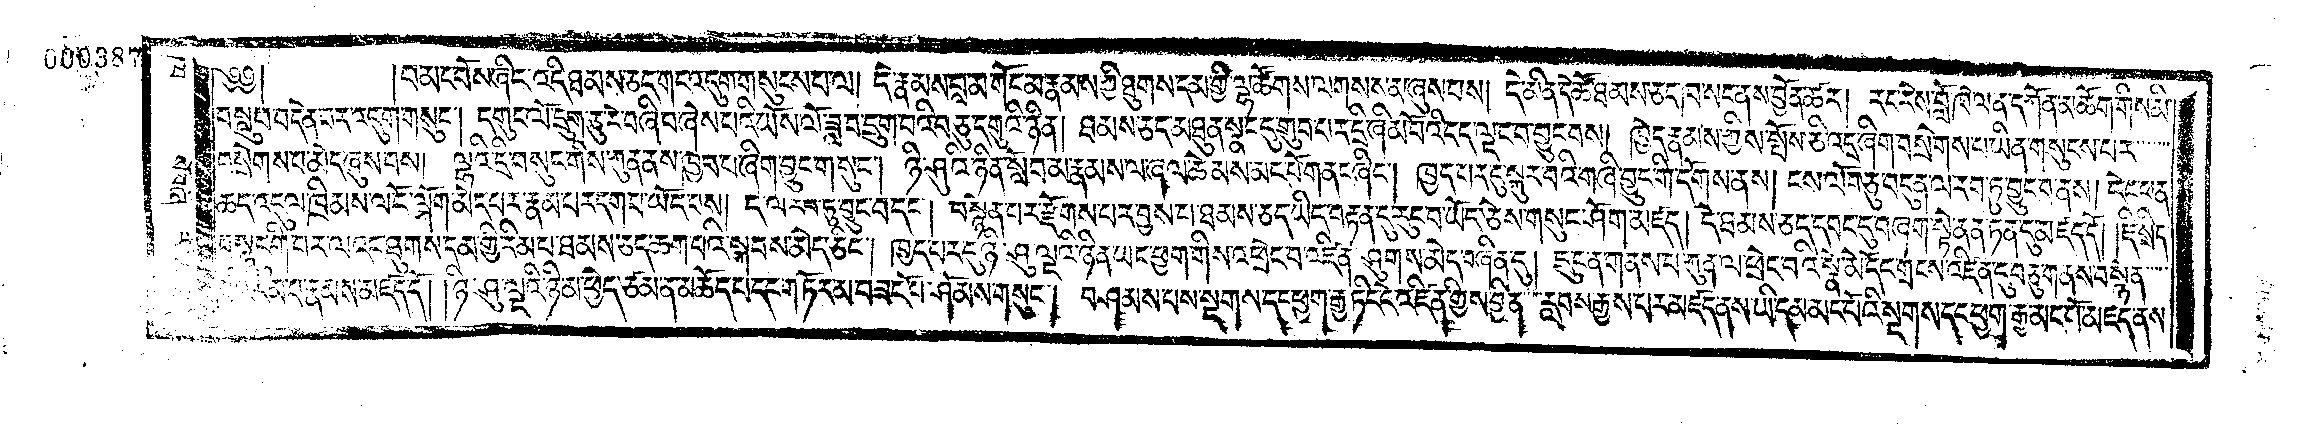༄༅། །པ་མང་པོས་ཞིང་འདི་ཐམས་ཅད་གང་འདུག་གསུངས་པ་ལ། དེ་རྣམས་བླ་མ་གོང་མ་རྣམས་ཀྱི་ཐུགས་དམ་གྱི་ལྷ་ཚོགས་ལགས་སམ་ཞུས་པས། དེ་མིན་དེ་ཚོ་ཐམས་ཅད་ཁ་སང་ནས་བྱོན་ཚར། རང་རེས་བློ་ཁེལ་ན་དཀོན་མཆོག་གིས་མི་
བསླུ་བ་བདེན་པར་འདུག་གསུང་། དགུང་ལོ་དྲུག་ཅུ་རེ་བཞི་པ་ཞེས་པའི་ཡོས་ལོ་ཟླ་པ་དྲུག་པའི་བཅུ་དགུའི་ཉིན། ཐམས་ཅད་མཐུན་སྣང་དུ་གྲུབ་པར་དྲི་ཞིམ་པོའི་ངད་ལྡང་བ་བྱུང་བས། ཁྱེད་རྣམས་ཀྱིས་སྤོས་ཅི་འདྲ་ཞིག་བསྲེགས་པ་ཡིན་གསུངས་པར་
བསྲེགས་པ་མེད་ཞུས་པས། ལྷའི་དྲི་བསུང་གིས་ཀུན་ནས་ཁྱབ་པ་ཞིག་བྱུང་གསུང་། ཉི་ཤུའི་ཉིན་སློབ་མ་རྣམས་ལ་ཞལ་ཆེམས་མང་པོ་གནང་ཞིང་། ཁྱད་པར་དུ་སྐུར་བའི་གཞི་བྱུང་གི་དོགས་ནས། ངས་ལོ་བཅུ་བདུན་ལ་རབ་ཏུ་བྱུང་བ་ནས། དེང་ཕན་
ཆད་འདུལ་ཁྲིམས་ལ་ངོ་ལྐོག་མེད་པར་རྣམ་པར་དག་པ་ཡོད་པས། ད་ལ་རབ་ཏུ་བྱུང་བ་དང་། བསྙེན་པར་རྫོགས་པར་བྱས་པ་ཐམས་ཅད་ཡིད་བརྟན་དུ་རུང་བ་ཡོད་ཅེས་གསུང་ཤོག་མཛད། དེ་ཐམས་ཅད་དཔང་དུ་བཞག་སྟེ་ནན་ཏན་དུ་མཛད་དོ། །ཇི་སྲིད་
བསྙུང་གི་བར་ལའང་ཐུགས་དམ་གྱི་རིམ་པ་ཐམས་ཅད་ཆག་པའི་སྐབས་མེད་ཅིང་། ཁྱད་པར་དུ་ཉི་ཤུ་ལྔའི་ཉིན་ཡང་ཕྱག་གིས་འཕྲེང་བ་འཛིན་ཤུགས་མེད་བཞིན་དུ། དྲུང་ན་གནས་པ་ཀུན་ལ་ཕྲེང་པའི་སྣེ་མོ་དང་གྲངས་འཛིན་དུ་བཅུ་གནས་བསྙེན་
པའི་རྀམ་པ་རྣམས་མཛད་དོ། །ཉི་ཤུ་ལྔའི་ཉི་མ་ཕྱེད་ཙམ་ན་མཆོད་པ་དང་གཏོར་མ་བཟང་པོ་ཤོམས་གསུང་། བཤམས་པས་སྔགས་དང་ཕྱག་རྒྱ་ཏིང་ངེ་འཛིན་གྱིས་བྱིན་རླབས་རྒྱས་པར་མཛད་ནས་ཡི་དམ་མང་པོའི་སྔགས་དང་ཕྱག་རྒྱ་མང་པོ་མཛད་ནས་